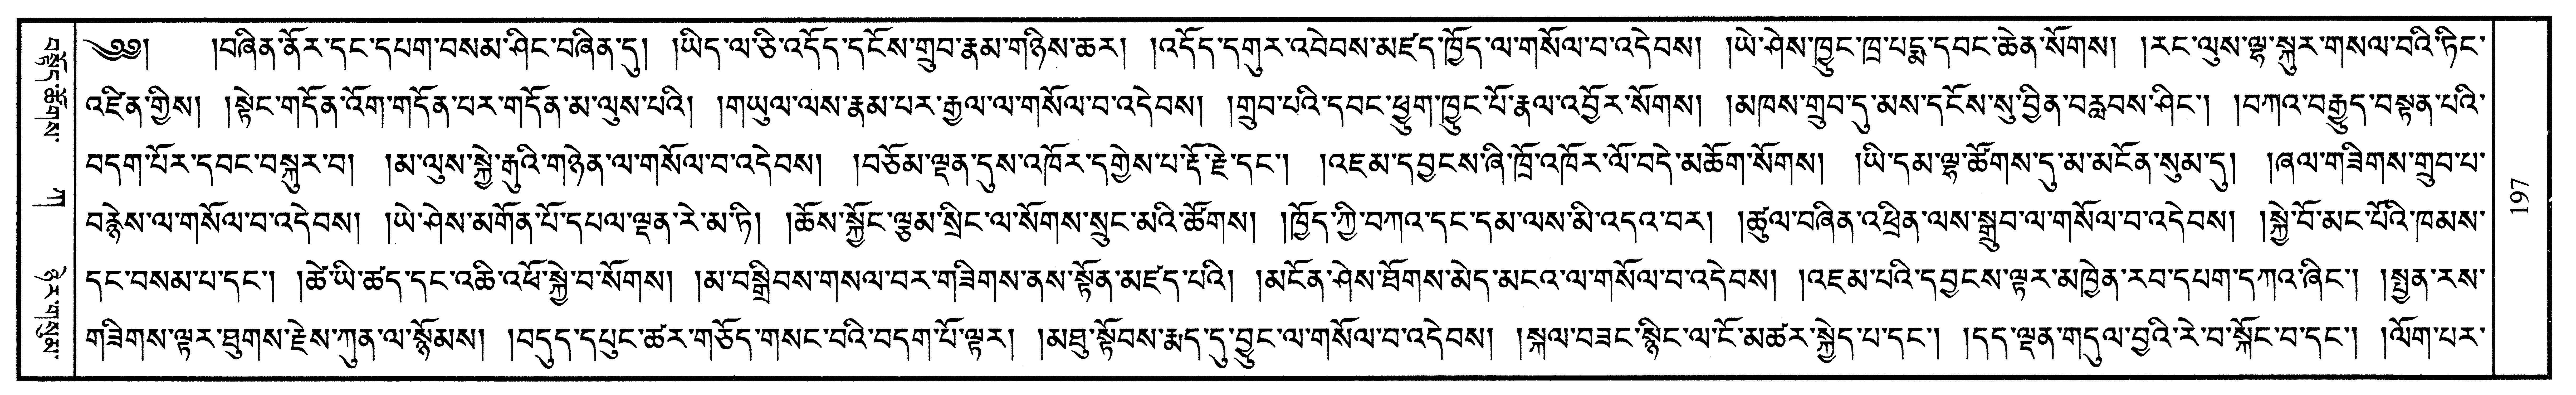༄༅། །བཞིན་ནོར་དང་དཔག་བསམ་ཤིང་བཞིན་དུ། །ཡིད་ལ་ཅི་འདོད་དངོས་གྲུབ་རྣམ་གཉིས་ཆར། །འདོད་དགུར་འབེབས་མཛད་ཁྱོད་ལ་གསོལ་བ་འདེབས། །ཡེ་ཤེས་ཁྱུང་ཁྲ་པདམ་དབང་ཆེན་སོགས། །རང་ལུས་ལྷ་སྐུར་གསལ་བའི་ཏིང་
འཛིན་གྱིས། །སྟེང་གདོན་འོག་གདོན་བར་གདོན་མ་ལུས་པའི། །གཡུལ་ལས་རྣམ་པར་རྒྱལ་ལ་གསོལ་བ་འདེབས། །གྲུབ་པའི་དབང་ཕྱུག་ཁྱུང་པོ་རྣལ་འབྱོར་སོགས། །མཁས་གྲུབ་དུ་མས་དངོས་སུ་བྱིན་བརླབས་ཤིང་། །བཀའ་བརྒྱུད་བསྟན་པའི་
བདག་པོར་དབང་བསྐུར་བ། །མ་ལུས་སྐྱེ་རྒུའི་གཉེན་ལ་གསོལ་བ་འདེབས། །བཅོམ་ལྡན་དུས་འཁོར་དགྱེས་པ་རྡོ་རྗེ་དང་། །འཇམ་དབྱངས་ཞི་ཁྲོ་འཁོར་ལོ་བདེ་མཆོག་སོགས། །ཡི་དམ་ལྷ་ཚོགས་དུ་མ་མངོན་སུམ་དུ། །ཞལ་གཟིགས་གྲུབ་པ་
བརྙེས་ལ་གསོལ་བ་འདེབས། །ཡེ་ཤེས་མགོན་པོ་དཔལ་ལྡན་རེ་མ་ཏི། །ཆོས་སྐྱོང་ལྕམ་སྲིང་ལ་སོགས་སྲུང་མའི་ཚོགས། །ཁྱོད་ཀྱི་བཀའ་དང་དམ་ལས་མི་འདའ་བར། །ཚུལ་བཞིན་འཕྲིན་ལས་སྒྲུབ་ལ་གསོལ་བ་འདེབས། །སྐྱེ་བོ་མང་པོའི་ཁམས་
དང་བསམ་པ་དང་། །ཚེ་ཡི་ཚད་དང་འཆི་འཕོ་སྐྱེ་བ་སོགས། །མ་བསྒྲིབས་གསལ་བར་གཟིགས་ནས་སྟོན་མཛད་པའི། །མངོན་ཤེས་ཐོགས་མེད་མངའ་ལ་གསོལ་བ་འདེབས། །འཇམ་པའི་དབྱངས་ལྟར་མཁྱེན་རབ་དཔག་དཀའ་ཞིང་། །སྤྱན་རས་
གཟིགས་ལྟར་ཐུགས་རྗེས་ཀུན་ལ་སྙོམས། །བདུད་དཔུང་ཚར་གཅོད་གསང་བའི་བདག་པོ་ལྟར། །མཐུ་སྟོབས་རྨད་དུ་བྱུང་ལ་གསོལ་བ་འདེབས། །སྐལ་བཟང་སྙིང་ལ་ངོ་མཚར་སྐྱེད་པ་དང་། །དད་ལྡན་གདུལ་བྱའི་རེ་བ་སྐོང་བ་དང་། །ལོག་པར་